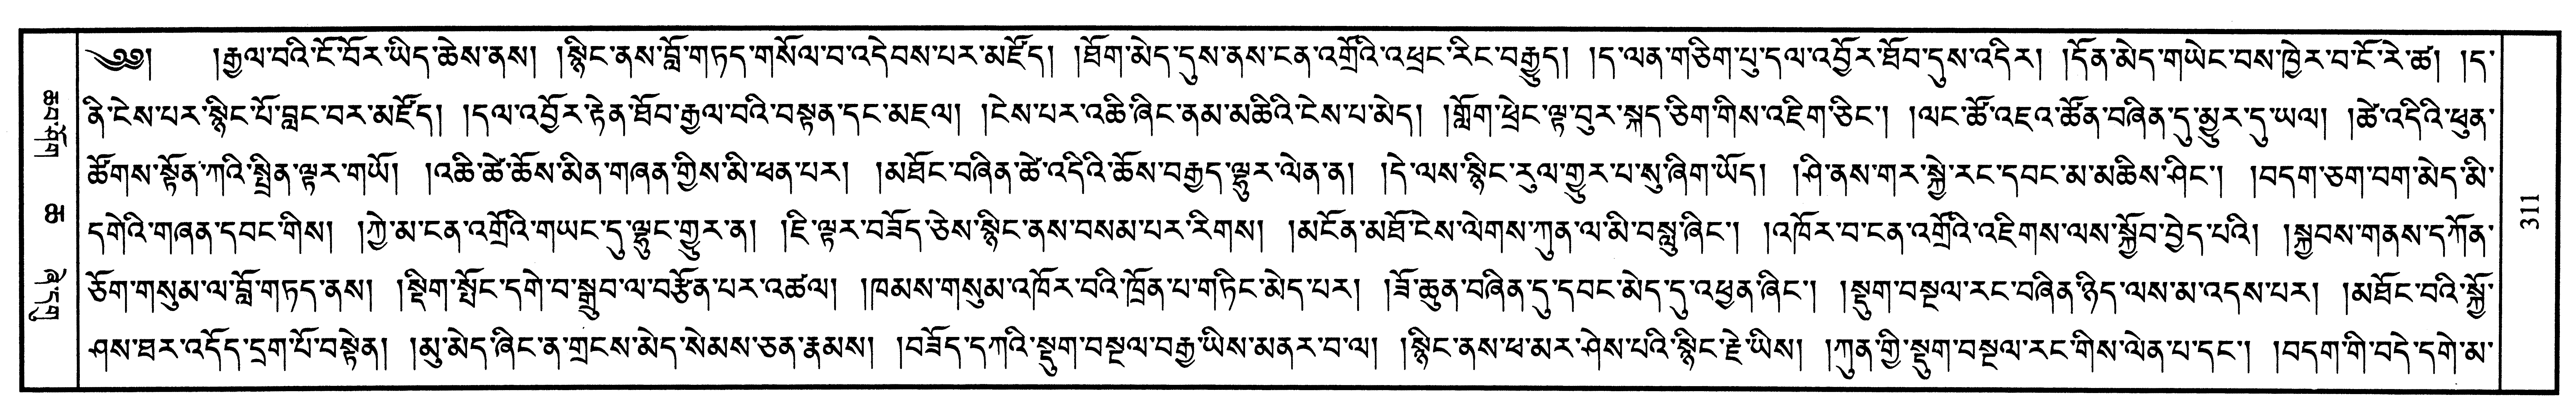༄༅། །རྒྱལ་བའི་ངོ་བོར་ཡིད་ཆེས་ནས། །སྙིང་ནས་བློ་གཏད་གསོལ་བ་འདེབས་པར་མཛོད། །ཐོག་མེད་དུས་ནས་ངན་འགྲོའི་འཕྲང་རིང་བརྒྱུད། །ད་ལན་གཅིག་པུ་དལ་འབྱོར་ཐོབ་དུས་འདིར། །དོན་མེད་གཡེང་བས་ཁྱེར་བ་ངོ་རེ་ཚ། །ད་
ནི་ངེས་པར་སྙིང་པོ་བླང་བར་མཛོད། །དལ་འབྱོར་རྟེན་ཐོབ་རྒྱལ་བའི་བསྟན་དང་མཇལ། །ངེས་པར་འཆི་ཞིང་ནམ་མཆིའི་ངེས་པ་མེད། །གློག་ཕྲེང་ལྟ་བུར་སྐད་ཅིག་གིས་འཇིག་ཅིང་། །ལང་ཚོ་འཇའ་ཚོན་བཞིན་དུ་མྱུར་དུ་ཡལ། །ཚེ་འདིའི་ཕུན་
ཚོགས་སྟོན་ཀའི་སྤྲིན་ལྟར་གཡོ། །འཆི་ཚེ་ཆོས་མིན་གཞན་གྱིས་མི་ཕན་པར། །མཐོང་བཞིན་ཚེ་འདིའི་ཆོས་བརྒྱད་ལྷུར་ལེན་ན། །དེ་ལས་སྙིང་རུལ་གྱུར་པ་སུ་ཞིག་ཡོད། །ཤི་ནས་གར་སྐྱེ་རང་དབང་མ་མཆིས་ཤིང་། །བདག་ཅག་བག་མེད་མི་
དགེའི་གཞན་དབང་གིས། །ཀྱེ་མ་ངན་འགྲོའི་གཡང་དུ་ལྷུང་གྱུར་ན། །ཇི་ལྟར་བཟོད་ཅེས་སྙིང་ནས་བསམ་པར་རིགས། །མངོན་མཐོ་ངེས་ལེགས་ཀུན་ལ་མི་བསླུ་ཞིང་། །འཁོར་བ་ངན་འགྲོའི་འཇིགས་ལས་སྐྱོབ་བྱེད་པའི། །སྐྱབས་གནས་དཀོན་
ཅོག་གསུམ་ལ་བློ་གཏད་ནས། །སྡིག་སྤོང་དགེ་བ་སྒྲུབ་ལ་བརྩོན་པར་འཚལ། །ཁམས་གསུམ་འཁོར་བའི་ཁྲོན་པ་གཏིང་མེད་པར། །ཟོ་ཆུན་བཞིན་དུ་དབང་མེད་དུ་འཕྱན་ཞིང་། །སྡུག་བསྔལ་རང་བཞིན་ཉིད་ལས་མ་འདས་པར། །མཐོང་བའི་སྐྱོ་
ཤས་ཐར་འདོད་དྲག་པོ་བསྟེན། །མུ་མེད་ཞིང་ན་གྲངས་མེད་སེམས་ཅན་རྣམས། །བཟོད་དཀའི་སྡུག་བསྔལ་བརྒྱ་ཡིས་མནར་བ་ལ། །སྙིང་ནས་ཕ་མར་ཤེས་པའི་སྙིང་རྗེ་ཡིས། །ཀུན་གྱི་སྡུག་བསྔལ་རང་གིས་ལེན་པ་དང་། །བདག་གི་བདེ་དགེ་མ་